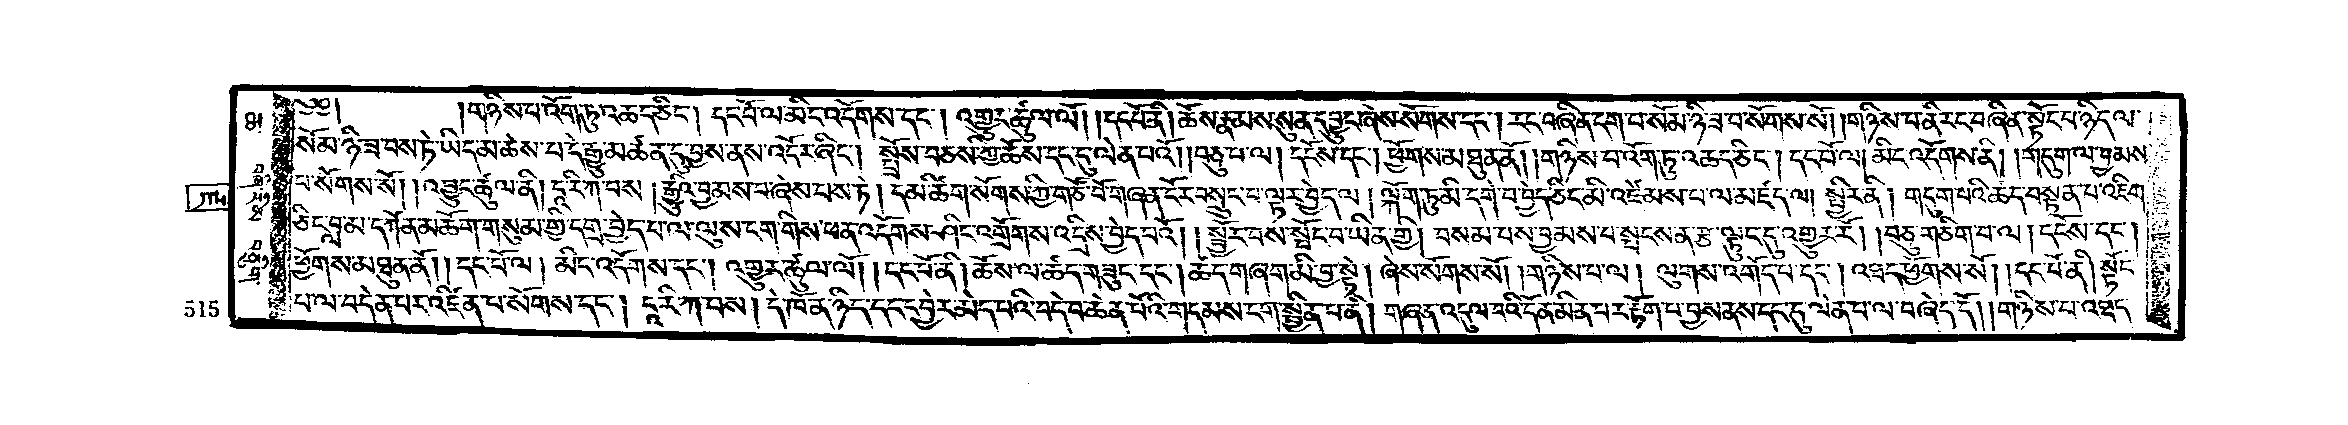༄༅། །གཉིས་པ་འོག་ཏུ་འཆད་ཅིང་། དང་པོ་ལ་མིང་འདོགས་དང་། འགྱུར་ཚུལ་ལོ། །དང་པོ་ནི། ཆོས་རྣམས་སུན་དབྱུང་ཞེས་སོགས་དང་། རང་བཞིན་དག་པ་སོམ་ཉི་ཟ་བ་སོགས་སོ། །གཉིས་པ་ནི་རང་བཞིན་སྟོང་པ་ཉིད་ལ་
སོམ་ཉི་ཟ་བས་ཏེ་ཡིད་མ་ཆེས་པ་དེ་རྒྱུ་མཚན་དུ་བྱས་ནས་འདོར་ཞིང་། སྤྲོས་བཅས་ཀྱི་ཆོས་དང་དུ་ལེན་པའོ། །བཅུ་པ་ལ། དངོས་དང་། ཕྱོགས་མཐུན་ནོ། །གཉིས་པ་འོག་ཏུ་འཆད་ཅིང་། དང་པོ་ལ། མིང་འདོགས་ནི། །གདུག་ལ་བྱམས་
པ་སོགས་སོ། །འབྱུང་ཚུལ་ནི། དཱ་རི་ཀ་པས། རྒྱུའི་བྱམས་པ་ཞེས་པས་ཏེ། དམ་ཚིག་སོགས་ཀྱི་གཙོ་བོ་གཞན་ངོར་བསྲུང་པ་ལྟར་བྱེད་ལ། ལྐོག་ཏུ་མི་དགེ་བ་བྱེད་ཅིང་མི་འཛེམས་པ་ལ་མཛད་ལ། སྤྱིར་ནི། གདུག་པའི་ཚད་བསྟན་པ་འཇིག་
ཅིང་བླ་མ་དཀོན་མཆོག་གསུམ་གྱི་དགྲ་བྱེད་པ་ལ་ལུས་ངག་གིས་ཕན་འདོགས་ཤིང་འགྲོགས་འདྲིས་བྱེད་པའོ། །སྦྱོར་བས་སྤོང་བ་ཡིན་གྱི། བསམ་པས་བྱམས་པ་སྤངས་ན་རྩ་ལྟུང་དུ་འགྱུར་རོ། །བཅུ་གཅིག་པ་ལ། དངོས་དང་།
ཕྱོགས་མཐུན་ནོ། །དང་པོ་ལ། མིང་འདོགས་དང་། འགྱུར་ཚུལ་ལོ། །དང་པོ་ནི། ཆོས་ལ་ཚད་གཟུང་དང་། ཚད་གཞག་མི་བྱ་སྟེ། ཞེས་སོགས་སོ། །གཉིས་པ་ལ། ལུགས་འགོད་པ་དང་། འཐད་ཕྱོགས་སོ། །དང་པོ་ནི། སྟོང་
པ་ལ་བདེན་པར་འཛིན་པ་སོགས་དང་། དཱ་རི་ཀ་པས། དེ་ཁོ་ན་ཉིད་དང་དབྱེར་མེད་པའི་བདེ་བ་ཆེན་པོའི་གདམས་ངག་སྦྱིན་པ་ནི། གཞན་འདུལ་བའི་དོན་མིན་པར་རྟོག་པ་བྱས་ནས་དང་དུ་ལེན་པ་ལ་བཞེད་དོ། །གཉིས་པ་འཐད་